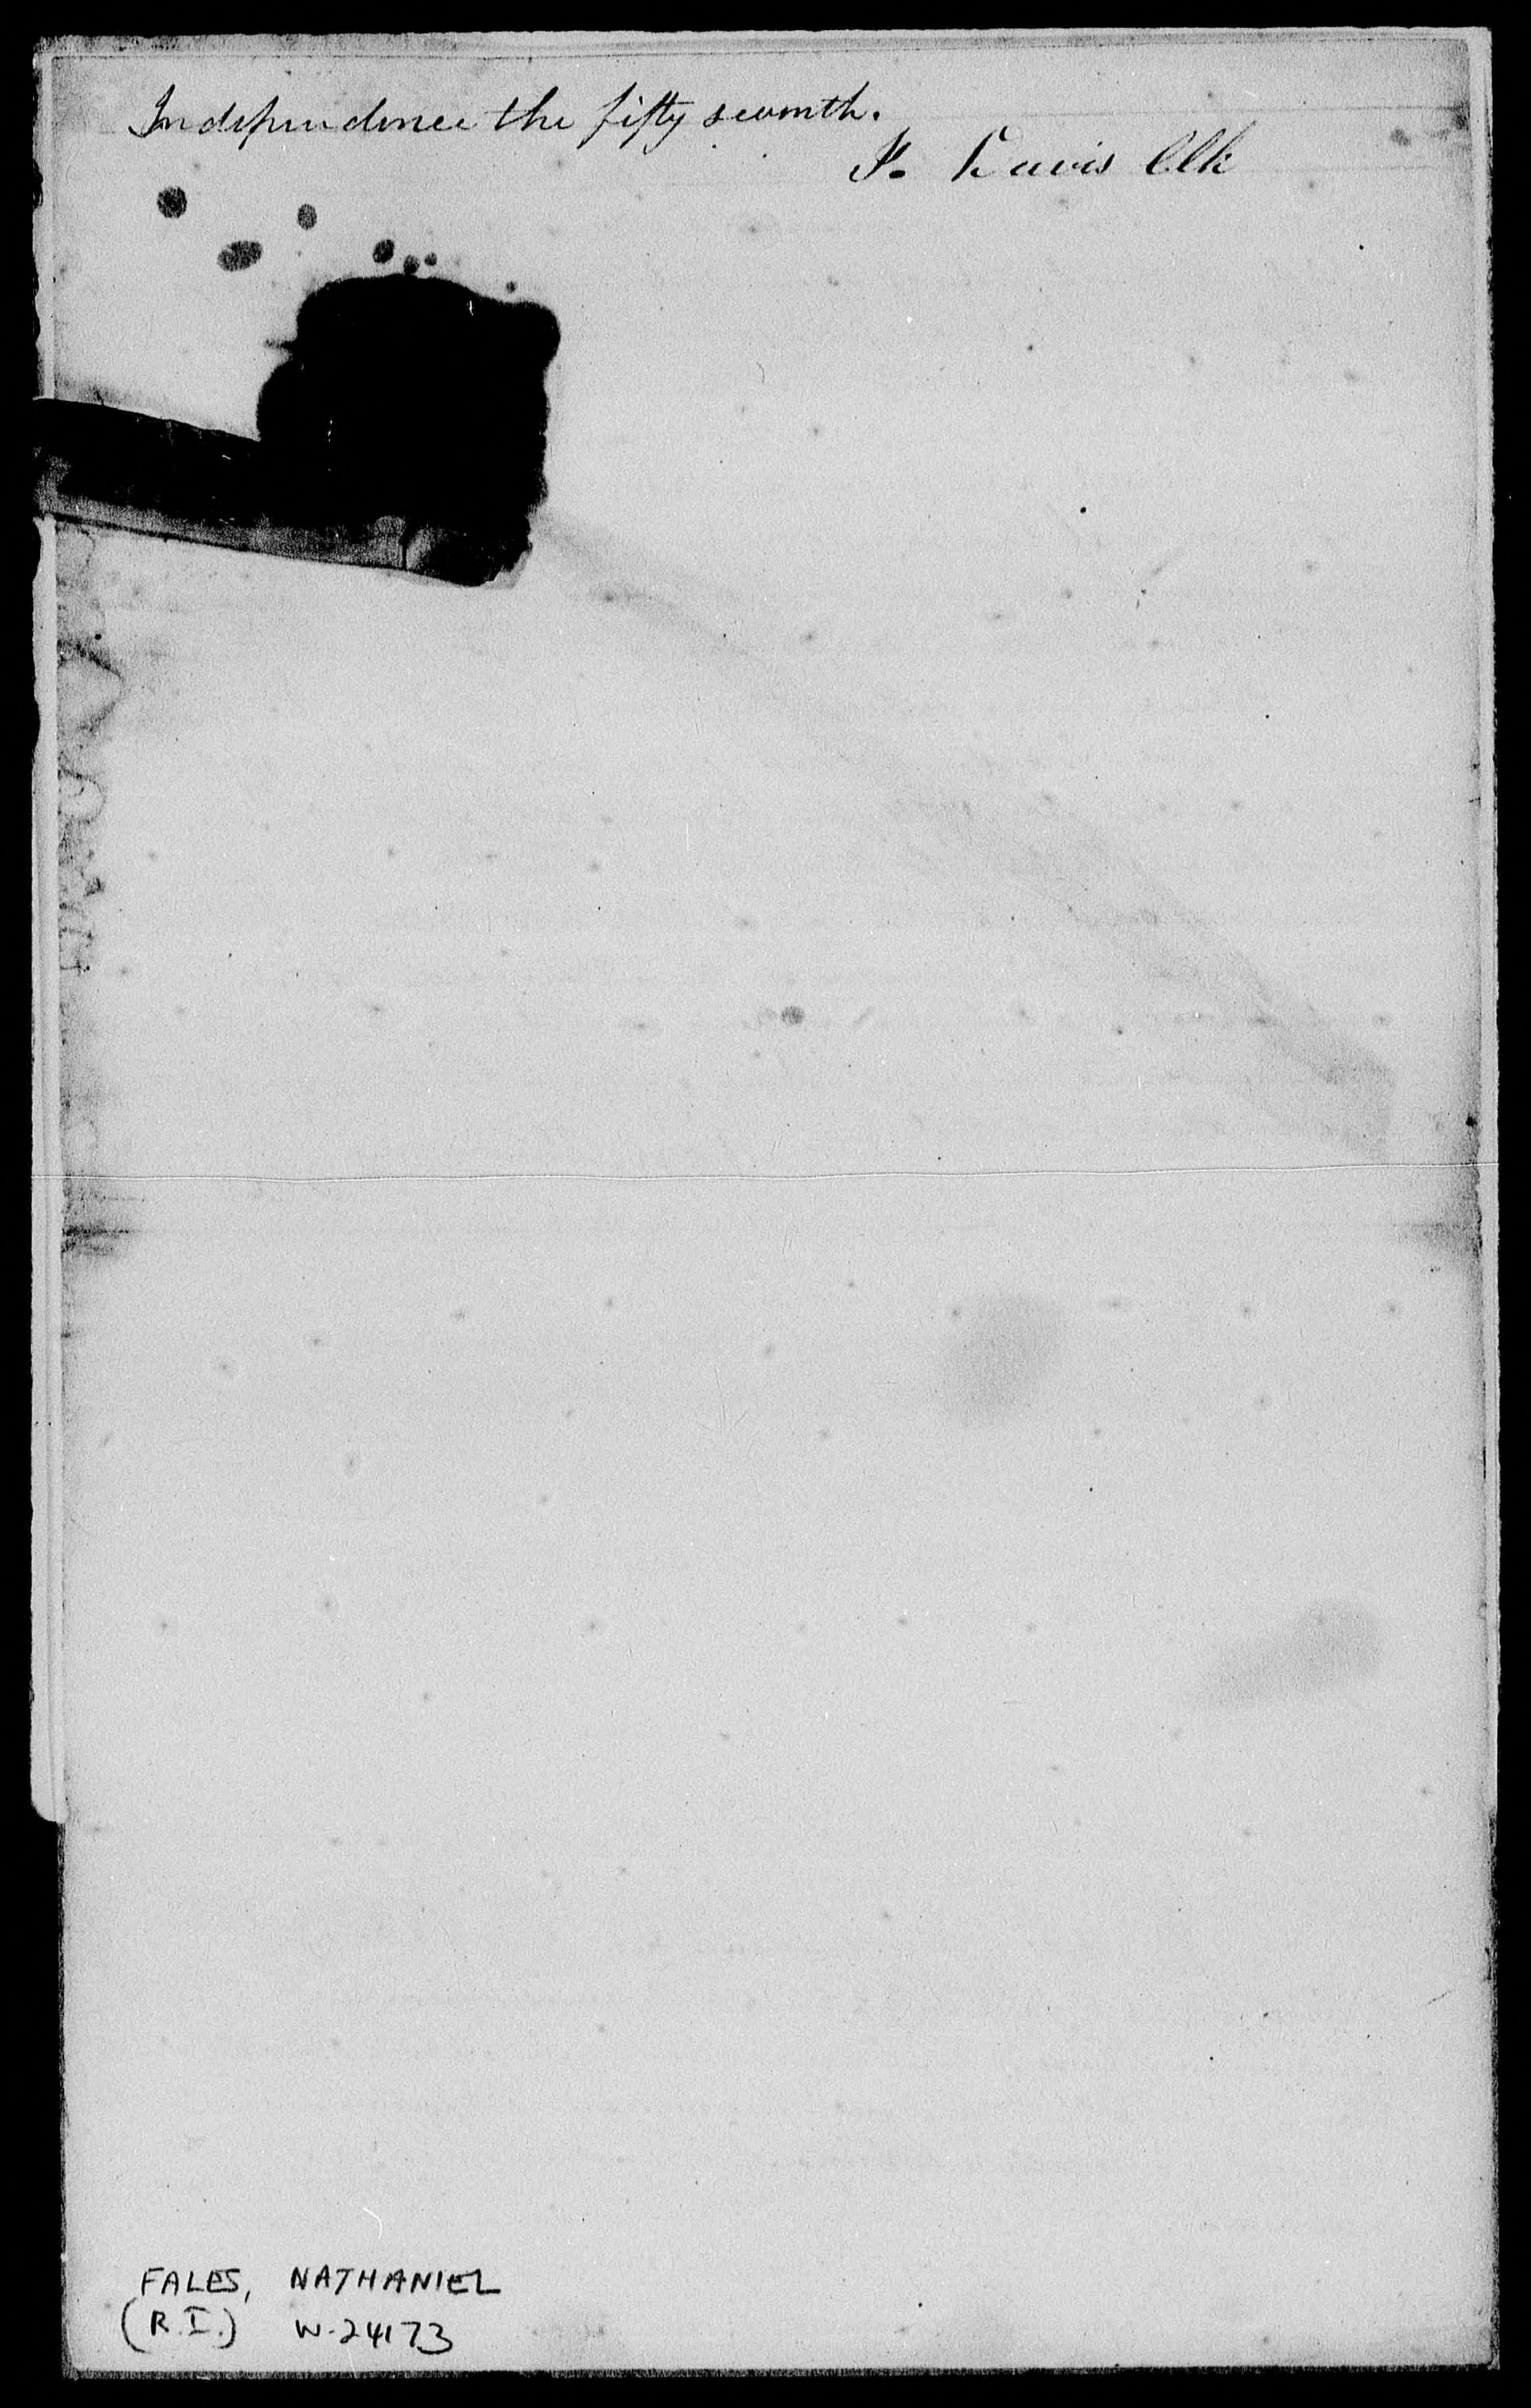Independence the fifty seventh. 
J. Lewis Clk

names: J Davis, Nathaniel Fales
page: 23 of 32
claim: widow's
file: W. 24,173, Nathaniel Fales, R.I.